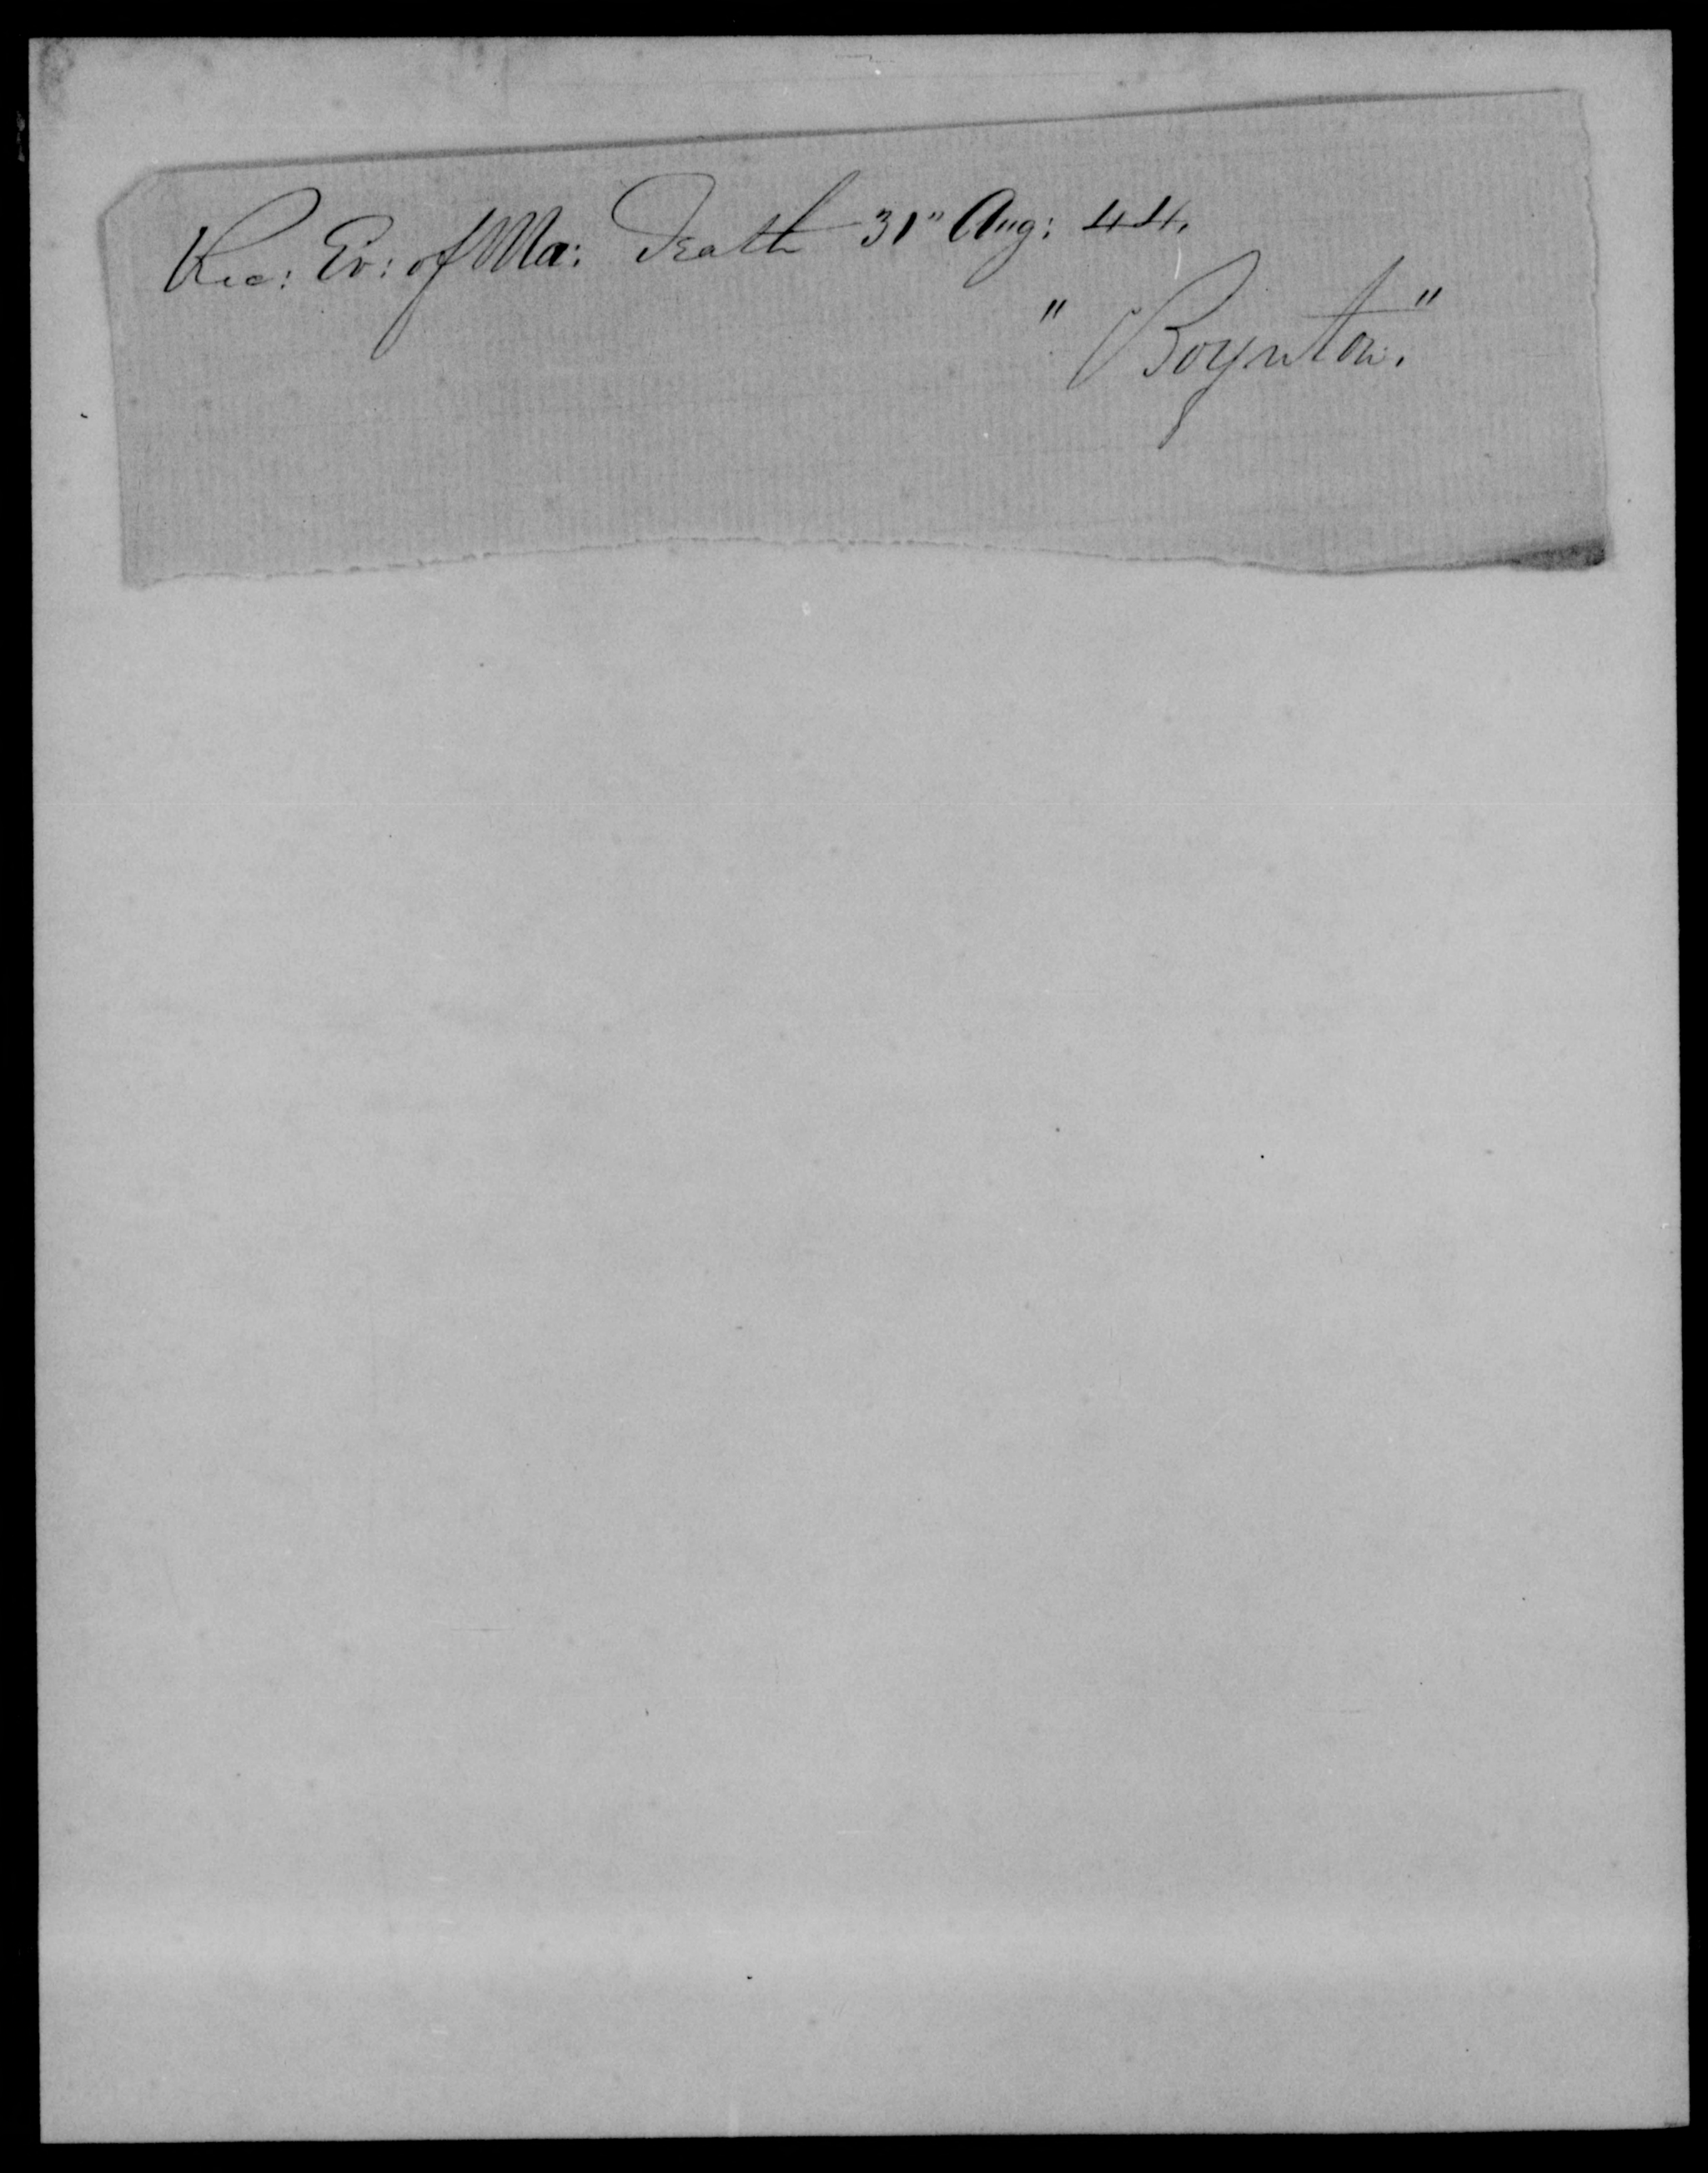Rec: Ev: of Ma: Death 31 Aug. 44
"Boynton"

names: Boynton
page: 57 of 66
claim: widow's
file: W. 2468, Amos Wetherbee, Mass.